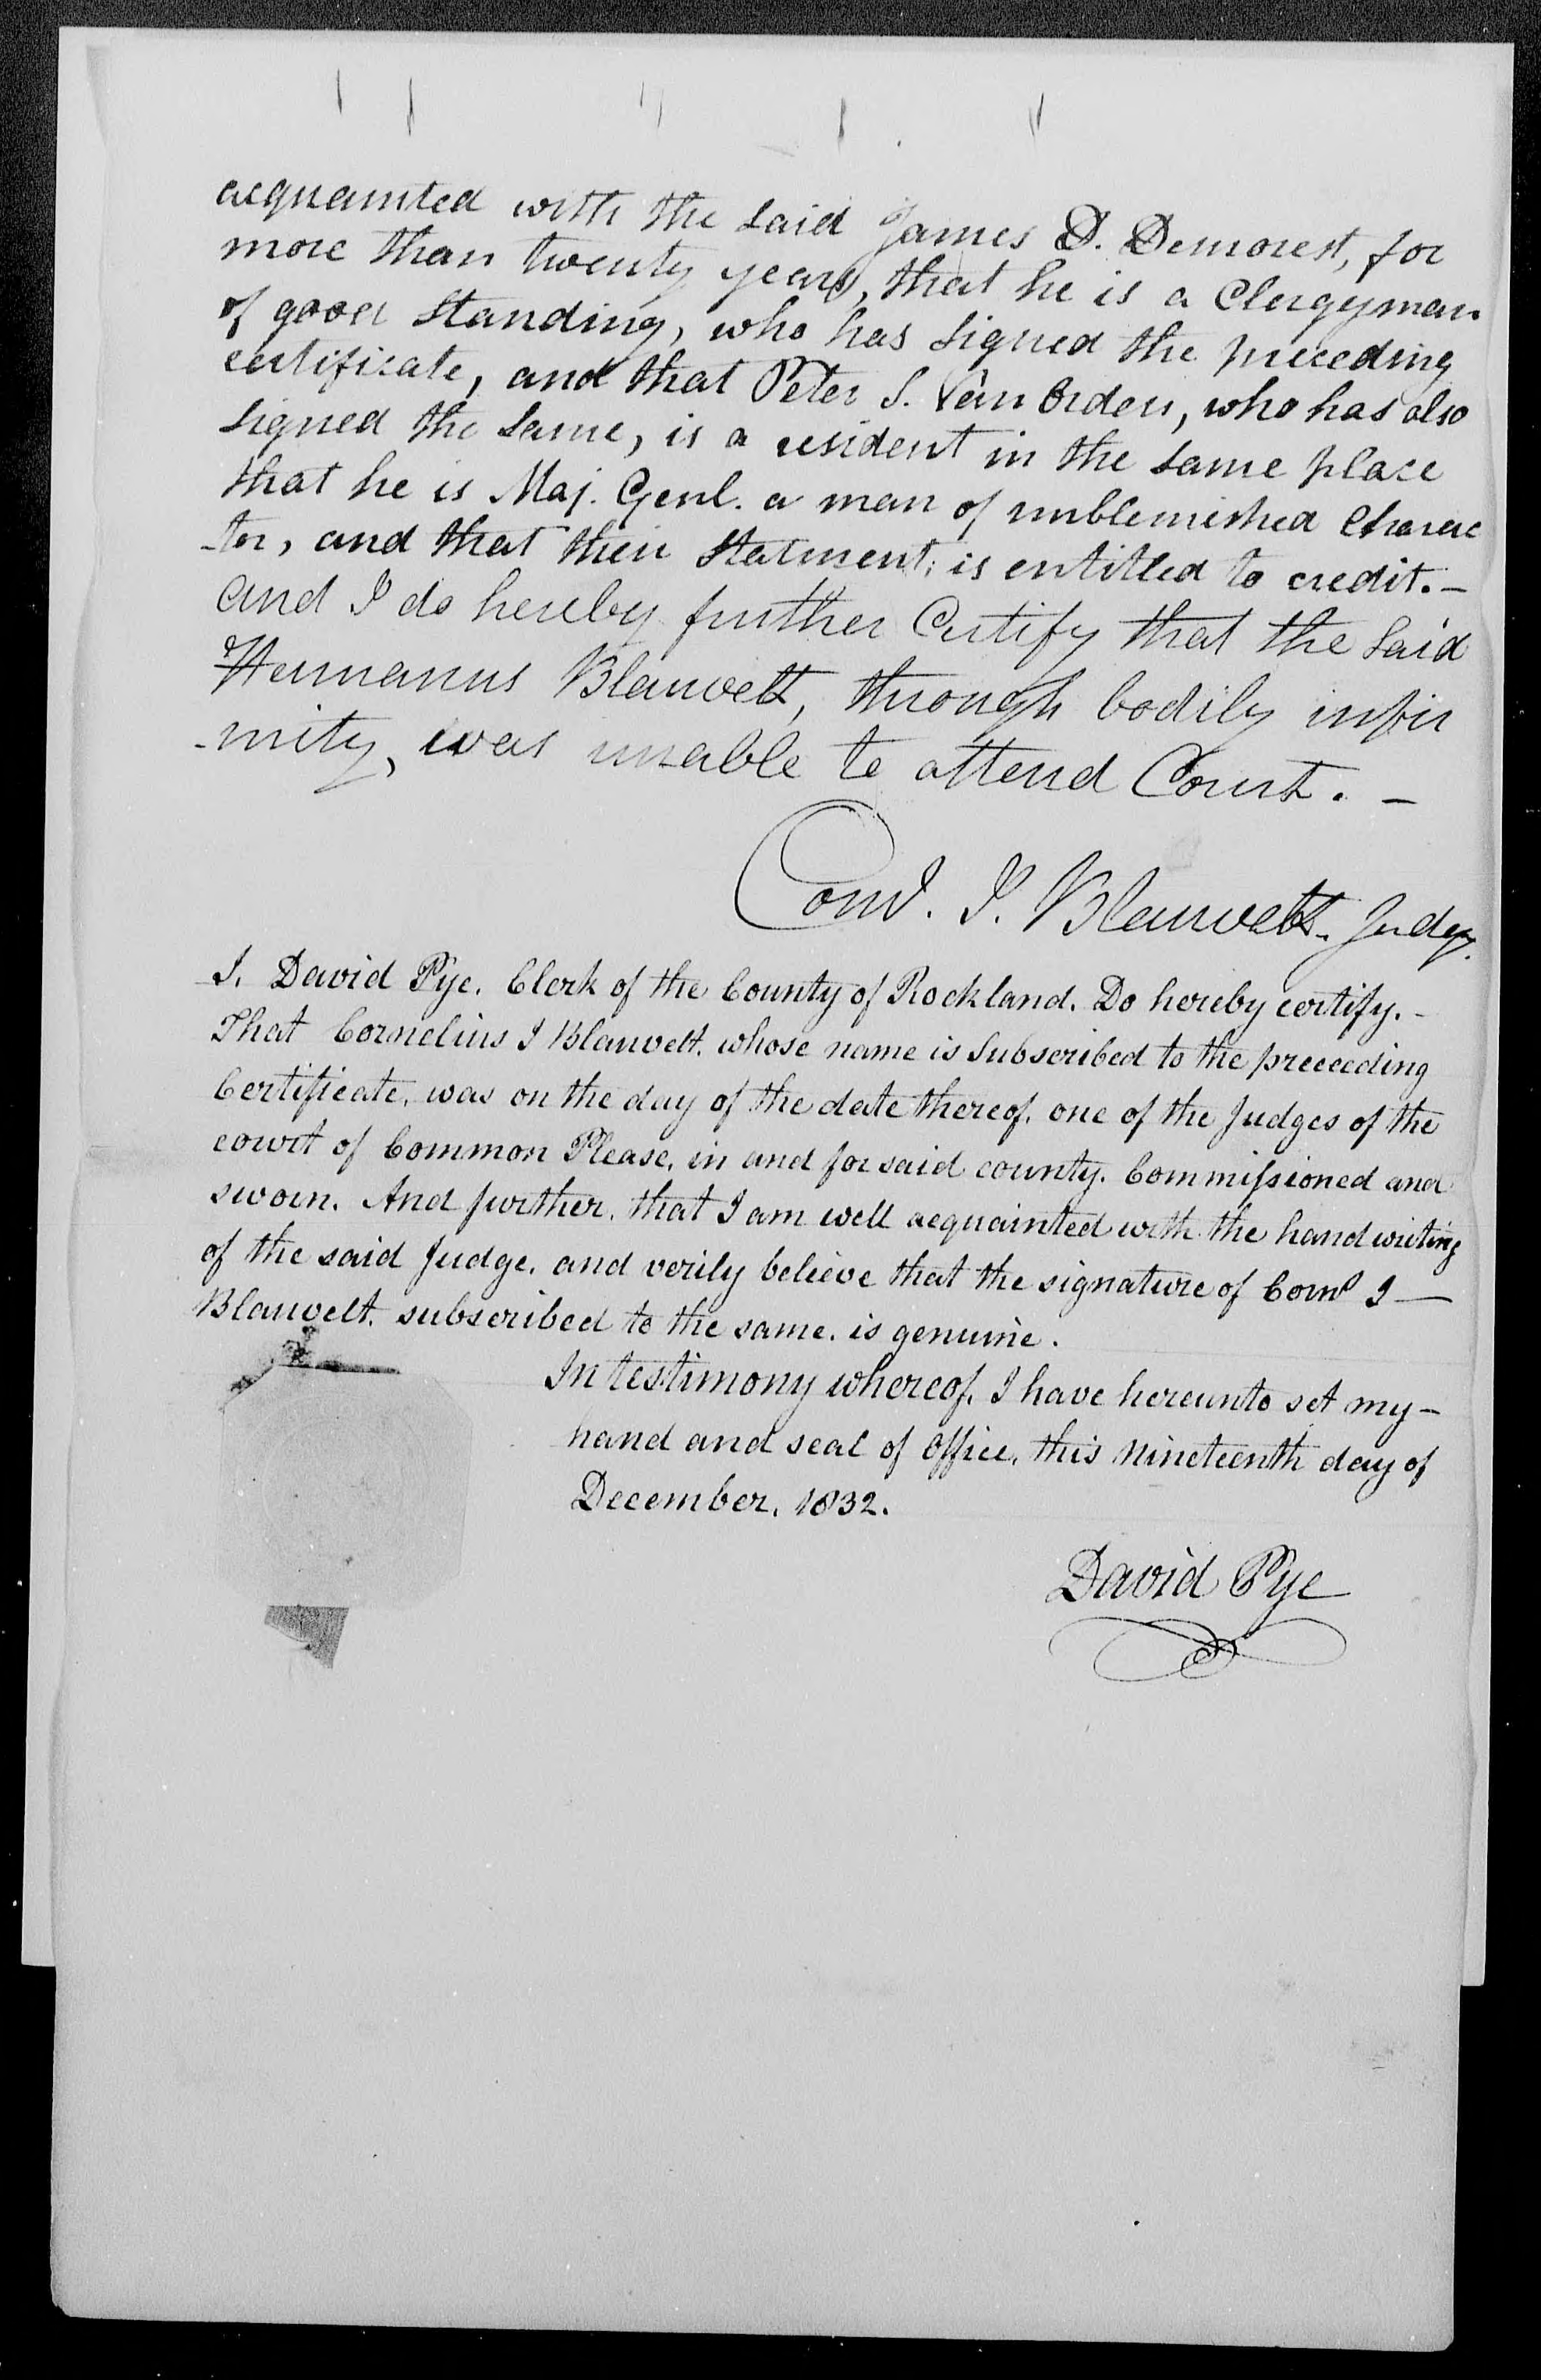acquainted with the said James D. Demorest, for more than twenty years, that he is a Clergyman of good standing, who has signed the preceding certificate, and that Peter S. Van Orden, who has also signed the same, is a resident in the same place that he is Maj. Genl. a man of unblemished character, and that their statement is entitled to credit.
And I do hereby further Certify that the said Harmanus Blauvelt, through bodily infirmity, was unable to attend Court.
[signed] Cornl. I. Blauvelt, Judge

I, David Pye, Clerk of the County of Rockland, Do hereby certify, That Cornelius I. Blauvelt, whose name is subscribed to the preceding certificate, was on the day of the date therof, one of the Judges of the court of Common Pleas, in and for said county. Commissioned and sworn. And further, that I am well acquainted with the hand writing of the said Judge, and verily believe that the signature of Cornl I. Blauvelt, subscribed to the same, is genuine.
In testimony whereof, I have hereunto set my hand and seal of Office, this nineteenth day of December, 1832.
[signed] David Pye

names: Cornelius I Blauvelt, Corns I Blauvelt, Hermanus Blauvelt, Corns I Blauvelt, James D Demorest, David Pye, Peter S Van Orden, David Pye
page: 7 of 33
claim: survivor's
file: S. 22,653, Harmanus Blauvelt, New York